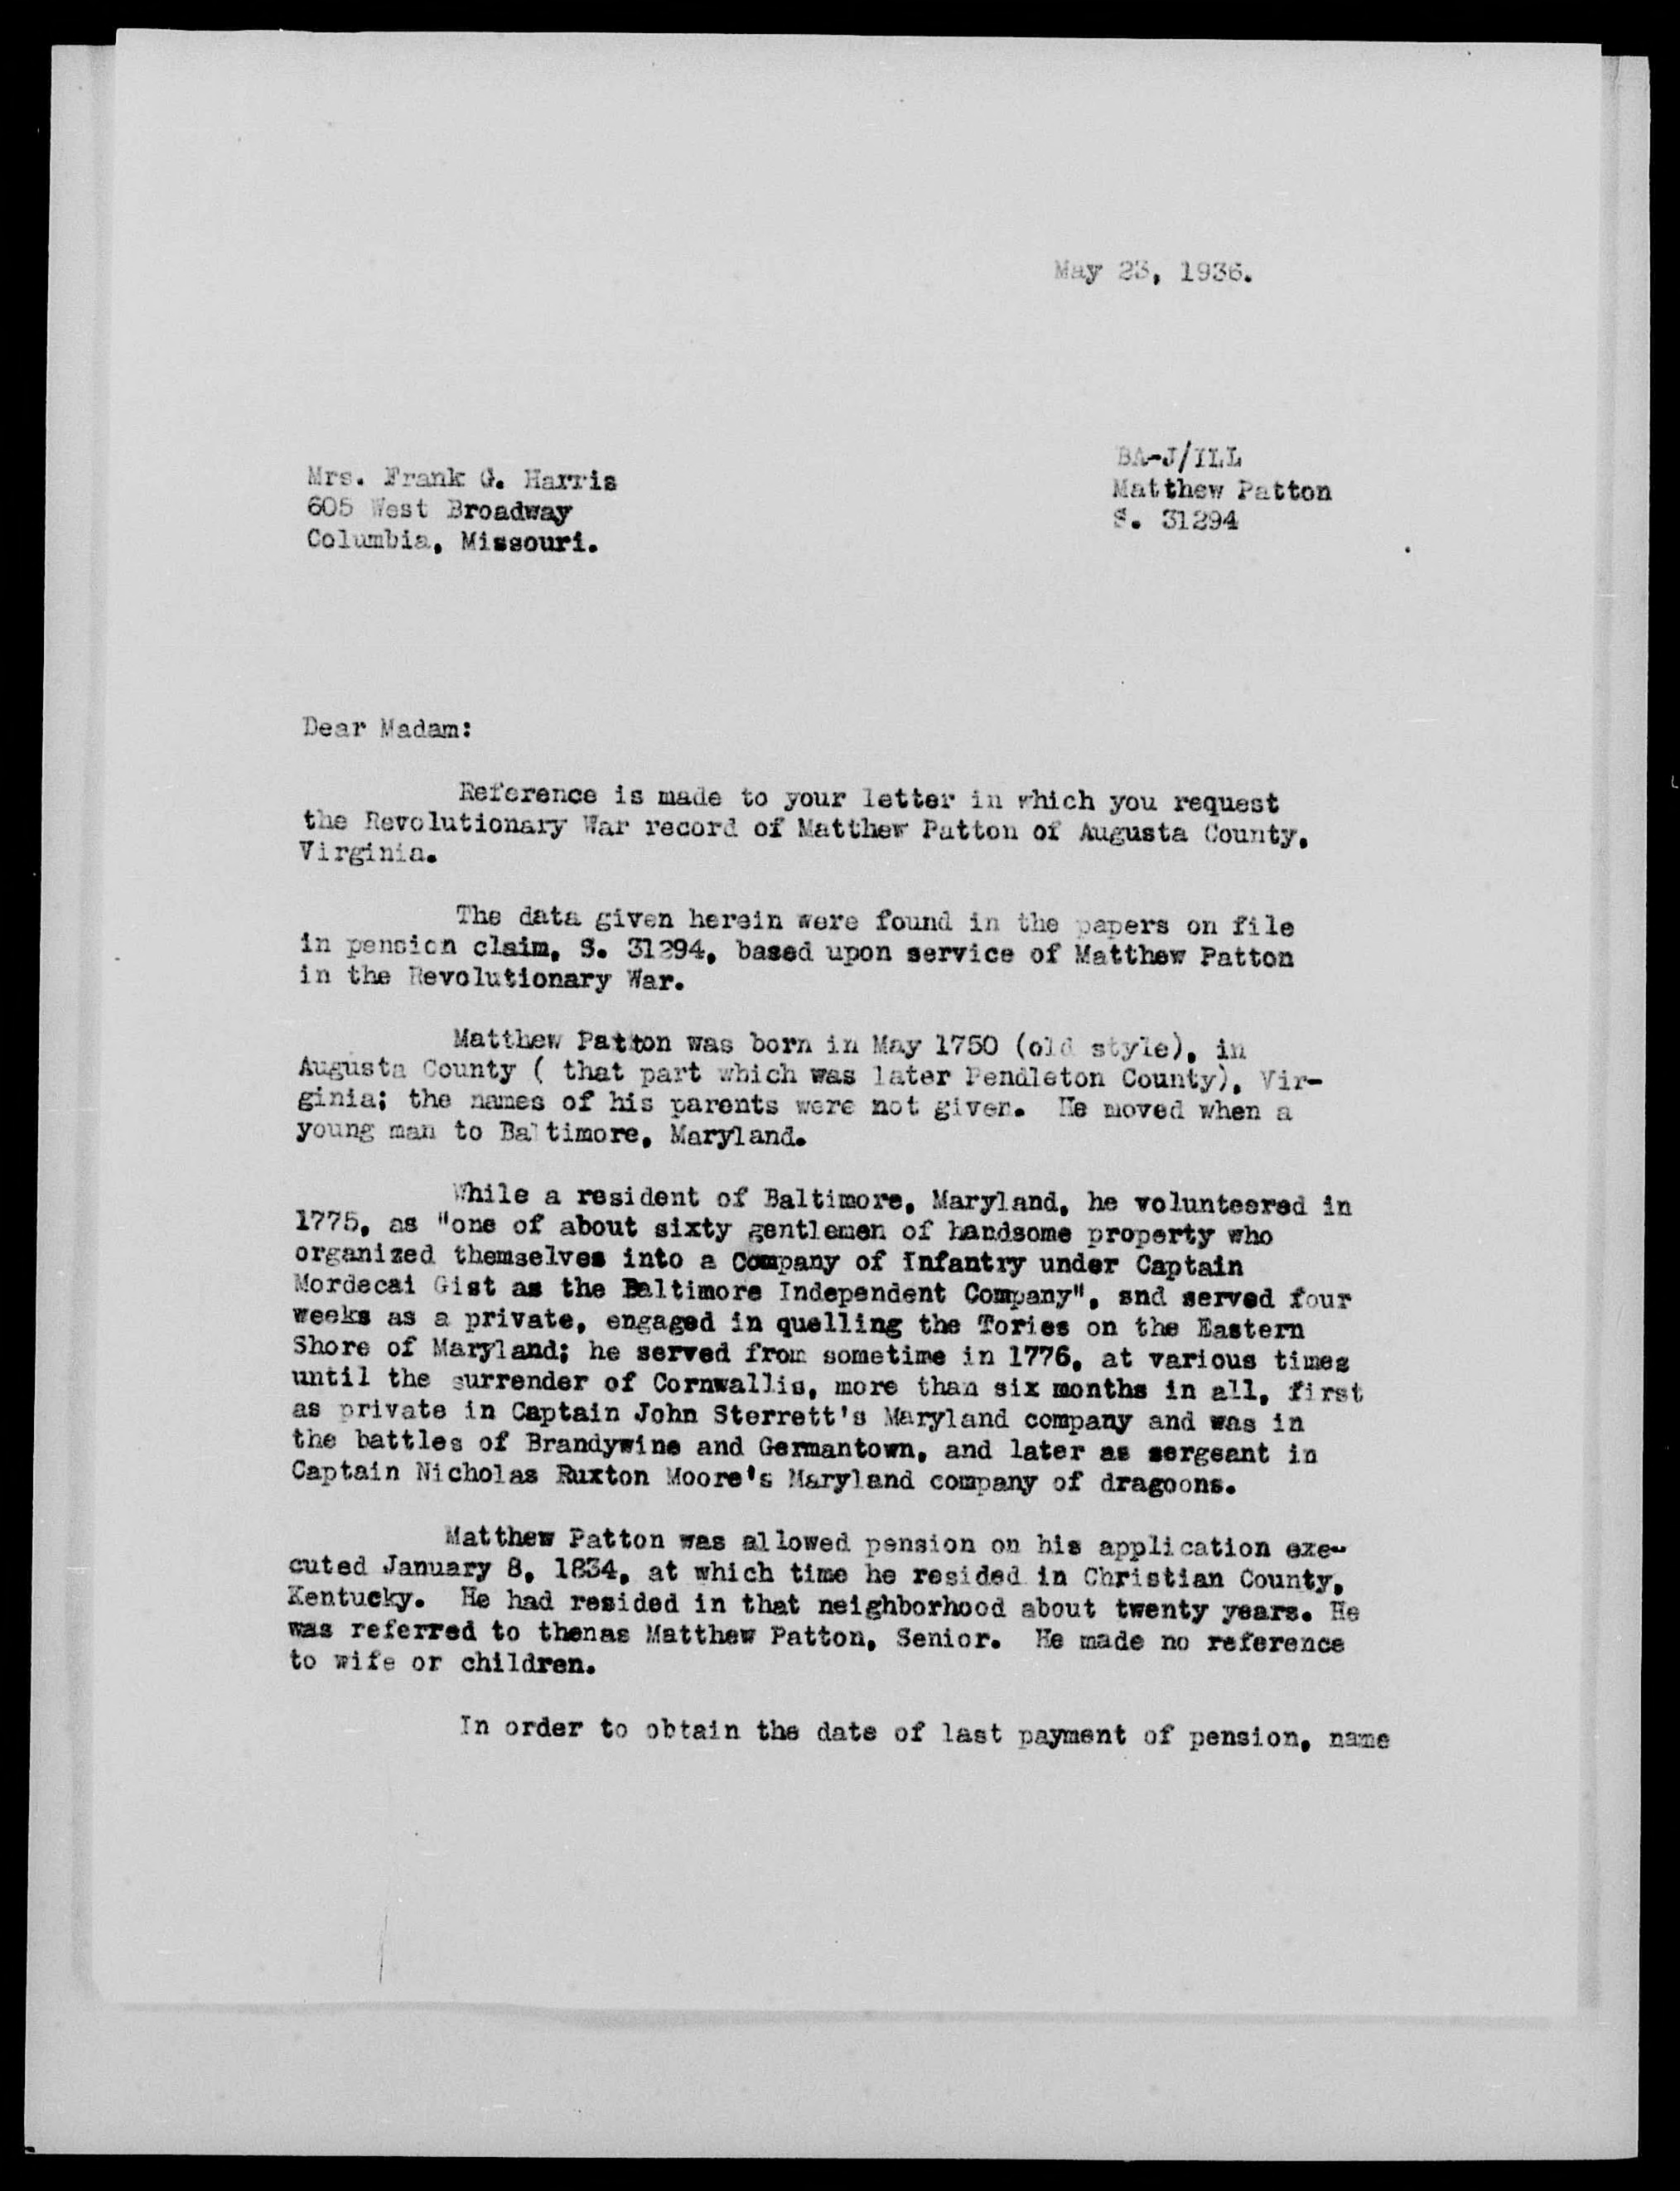May 23, 1936.

Mrs. Frank G. Jarvis
605 West Broadway
Columbia, Missouri.

Dear Madam:

Reference is made to your letter in which you request the Revolutionary War record of Matthew Patton of Augusta County, Virginia.

The data given herein were found in the papers on file in pension claim, S. 3194, based upon service of Matthew Patton in the Revolutionary War.

Matthew Patton was born in May 1750 (old style), in Augusta County (that part which was later Pendleton County), Virginia; the names of his parents were not given. He moved when a young man to Baltimore, Maryland.

While a resident of Baltimore, Maryland, he volunteered in 1775, as "one of about sixty gentlemen of handsome property who organized themselves into a company of infantry under Captain Mordecai Gist at the Baltimore Independent Company," and served four weeks as a private, engaged in quelling the Tories on the Eastern Shore of Maryland; he served from sometime in 1776, at various times, under the command of Cortnill's, more than six months in all, first as private in Captain John Sterrett's Maryland company and was in the battles of Brandywine and Germantown, and later as sergeant in Captain Nicholas Ruxton Moore's Maryland company of dragoons.

Matthew Patton was allowed pension on his application executed January 8, 1834, at which time he resided in Christian County, Kentucky. He had resided in that neighborhood about twenty years. He was referred to then as Matthew Patton, Senior. He made no reference to wife or children.

In order to obtain the date of last payment of pension, name---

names: [BLANK] Cornwallis; Mordecai Gist; Matthew Patton; Frank G Harris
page: 40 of 45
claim: survivor's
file: S. 31294, for Matthew Patton, Maryland